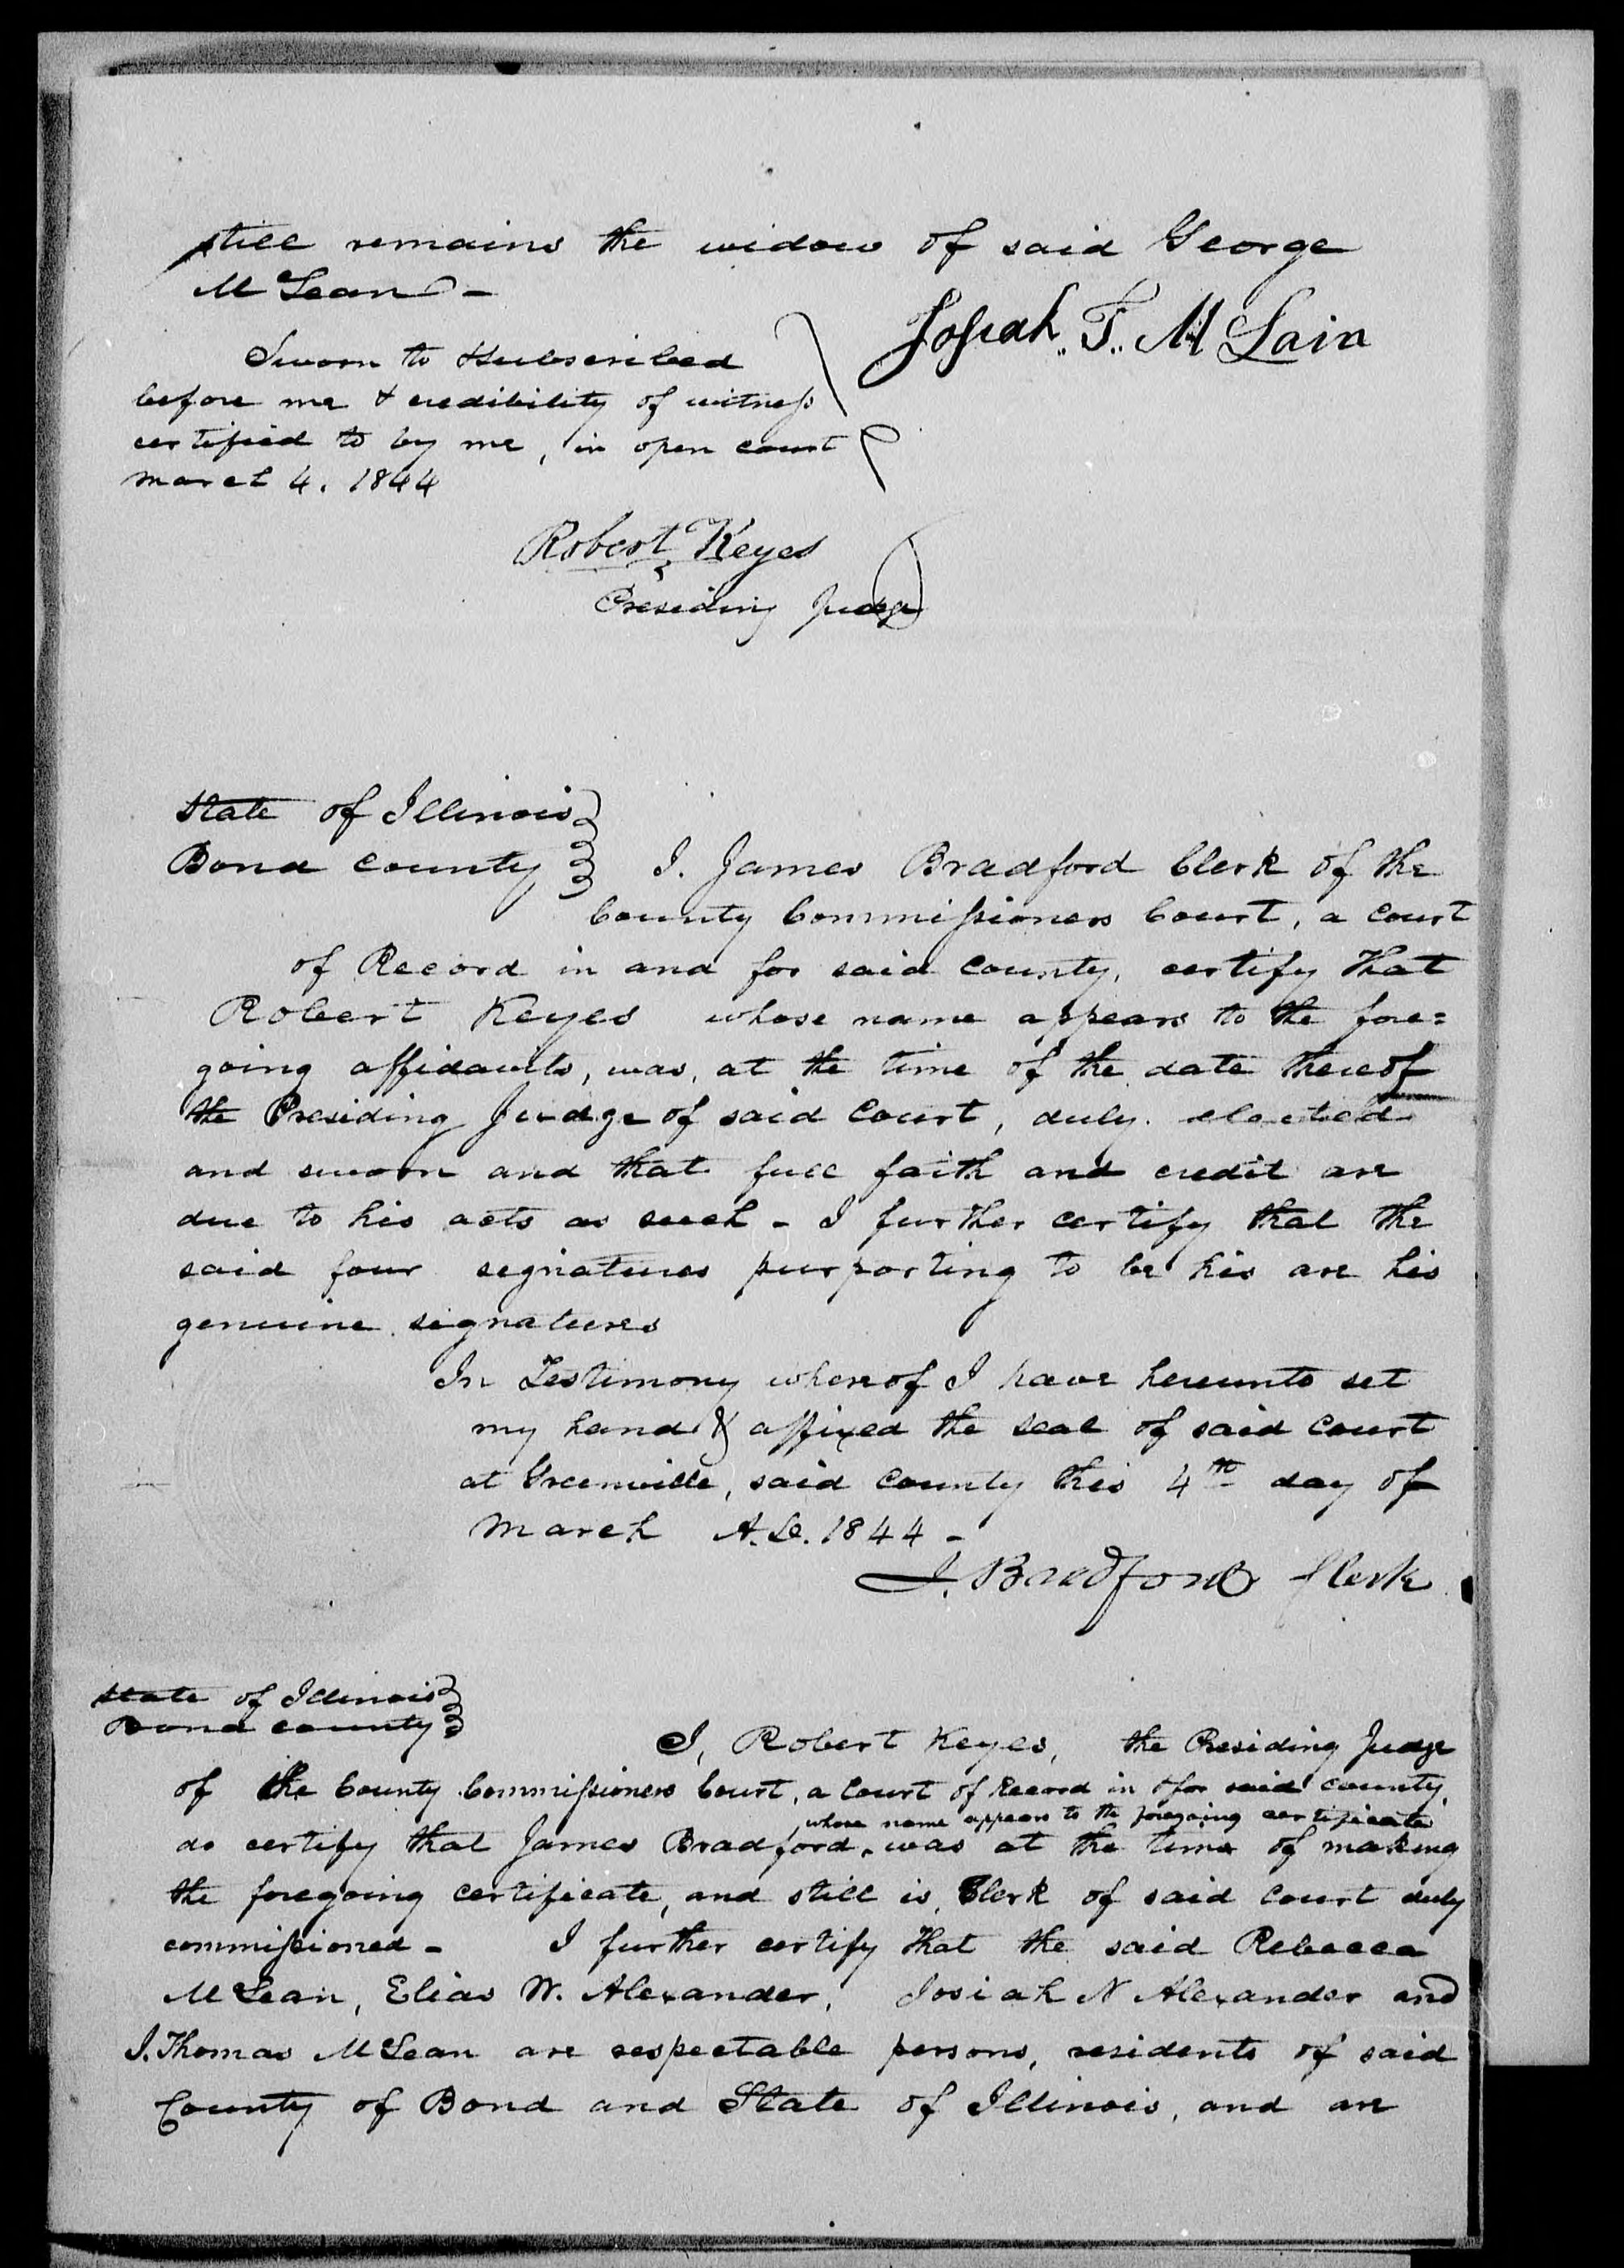still remains the widow of said George McLean –
Sworn to & subscribed} [signed] Josiah J. McLain
before me & credibility of witness} 
certified to by me, in open court} 
March 4, 1844} 
Robert Keyes}
Presiding Judge} 

State of Illinois} 
Bond County} I, James Bradford Clerk of the County Commissioners Court, a Court of Record in and for said County, certify that Robert Keyes whose name appears to the foregoing affidavits, was at the time of the date thereof the Presiding Judge of said Court, duly elected and sworn and that full faith and credit are due to his acts as such - I further certify that the said four signatures purporting to be his are his genuine signatures 
In Testimony whereof I have hereunto set my hand & affixed the seal of said Court at Greenville, said County this 4th day of March A.D. 1844 
J. Bradford Clerk 
State of Illinois} 
Bond County} I, Robert Keyes, the Presiding Judge of the County Commissioners Court, a Court of Record in & for said County do certify that James Bradford whose name appears to the foregoing certificate, was at the time of making the foregoing certificate, and still is Clerk of said Court duly commissioned. I further certify that the said Rebecca McLean, Elias W. Alexander Josiah N Alexander and I, Thomas McLean are respectable persons, residents of said County of Bond and State of Illinois, and are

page: 8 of 67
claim: widow's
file: W. 21793, for George Mc Lain, North Carolina